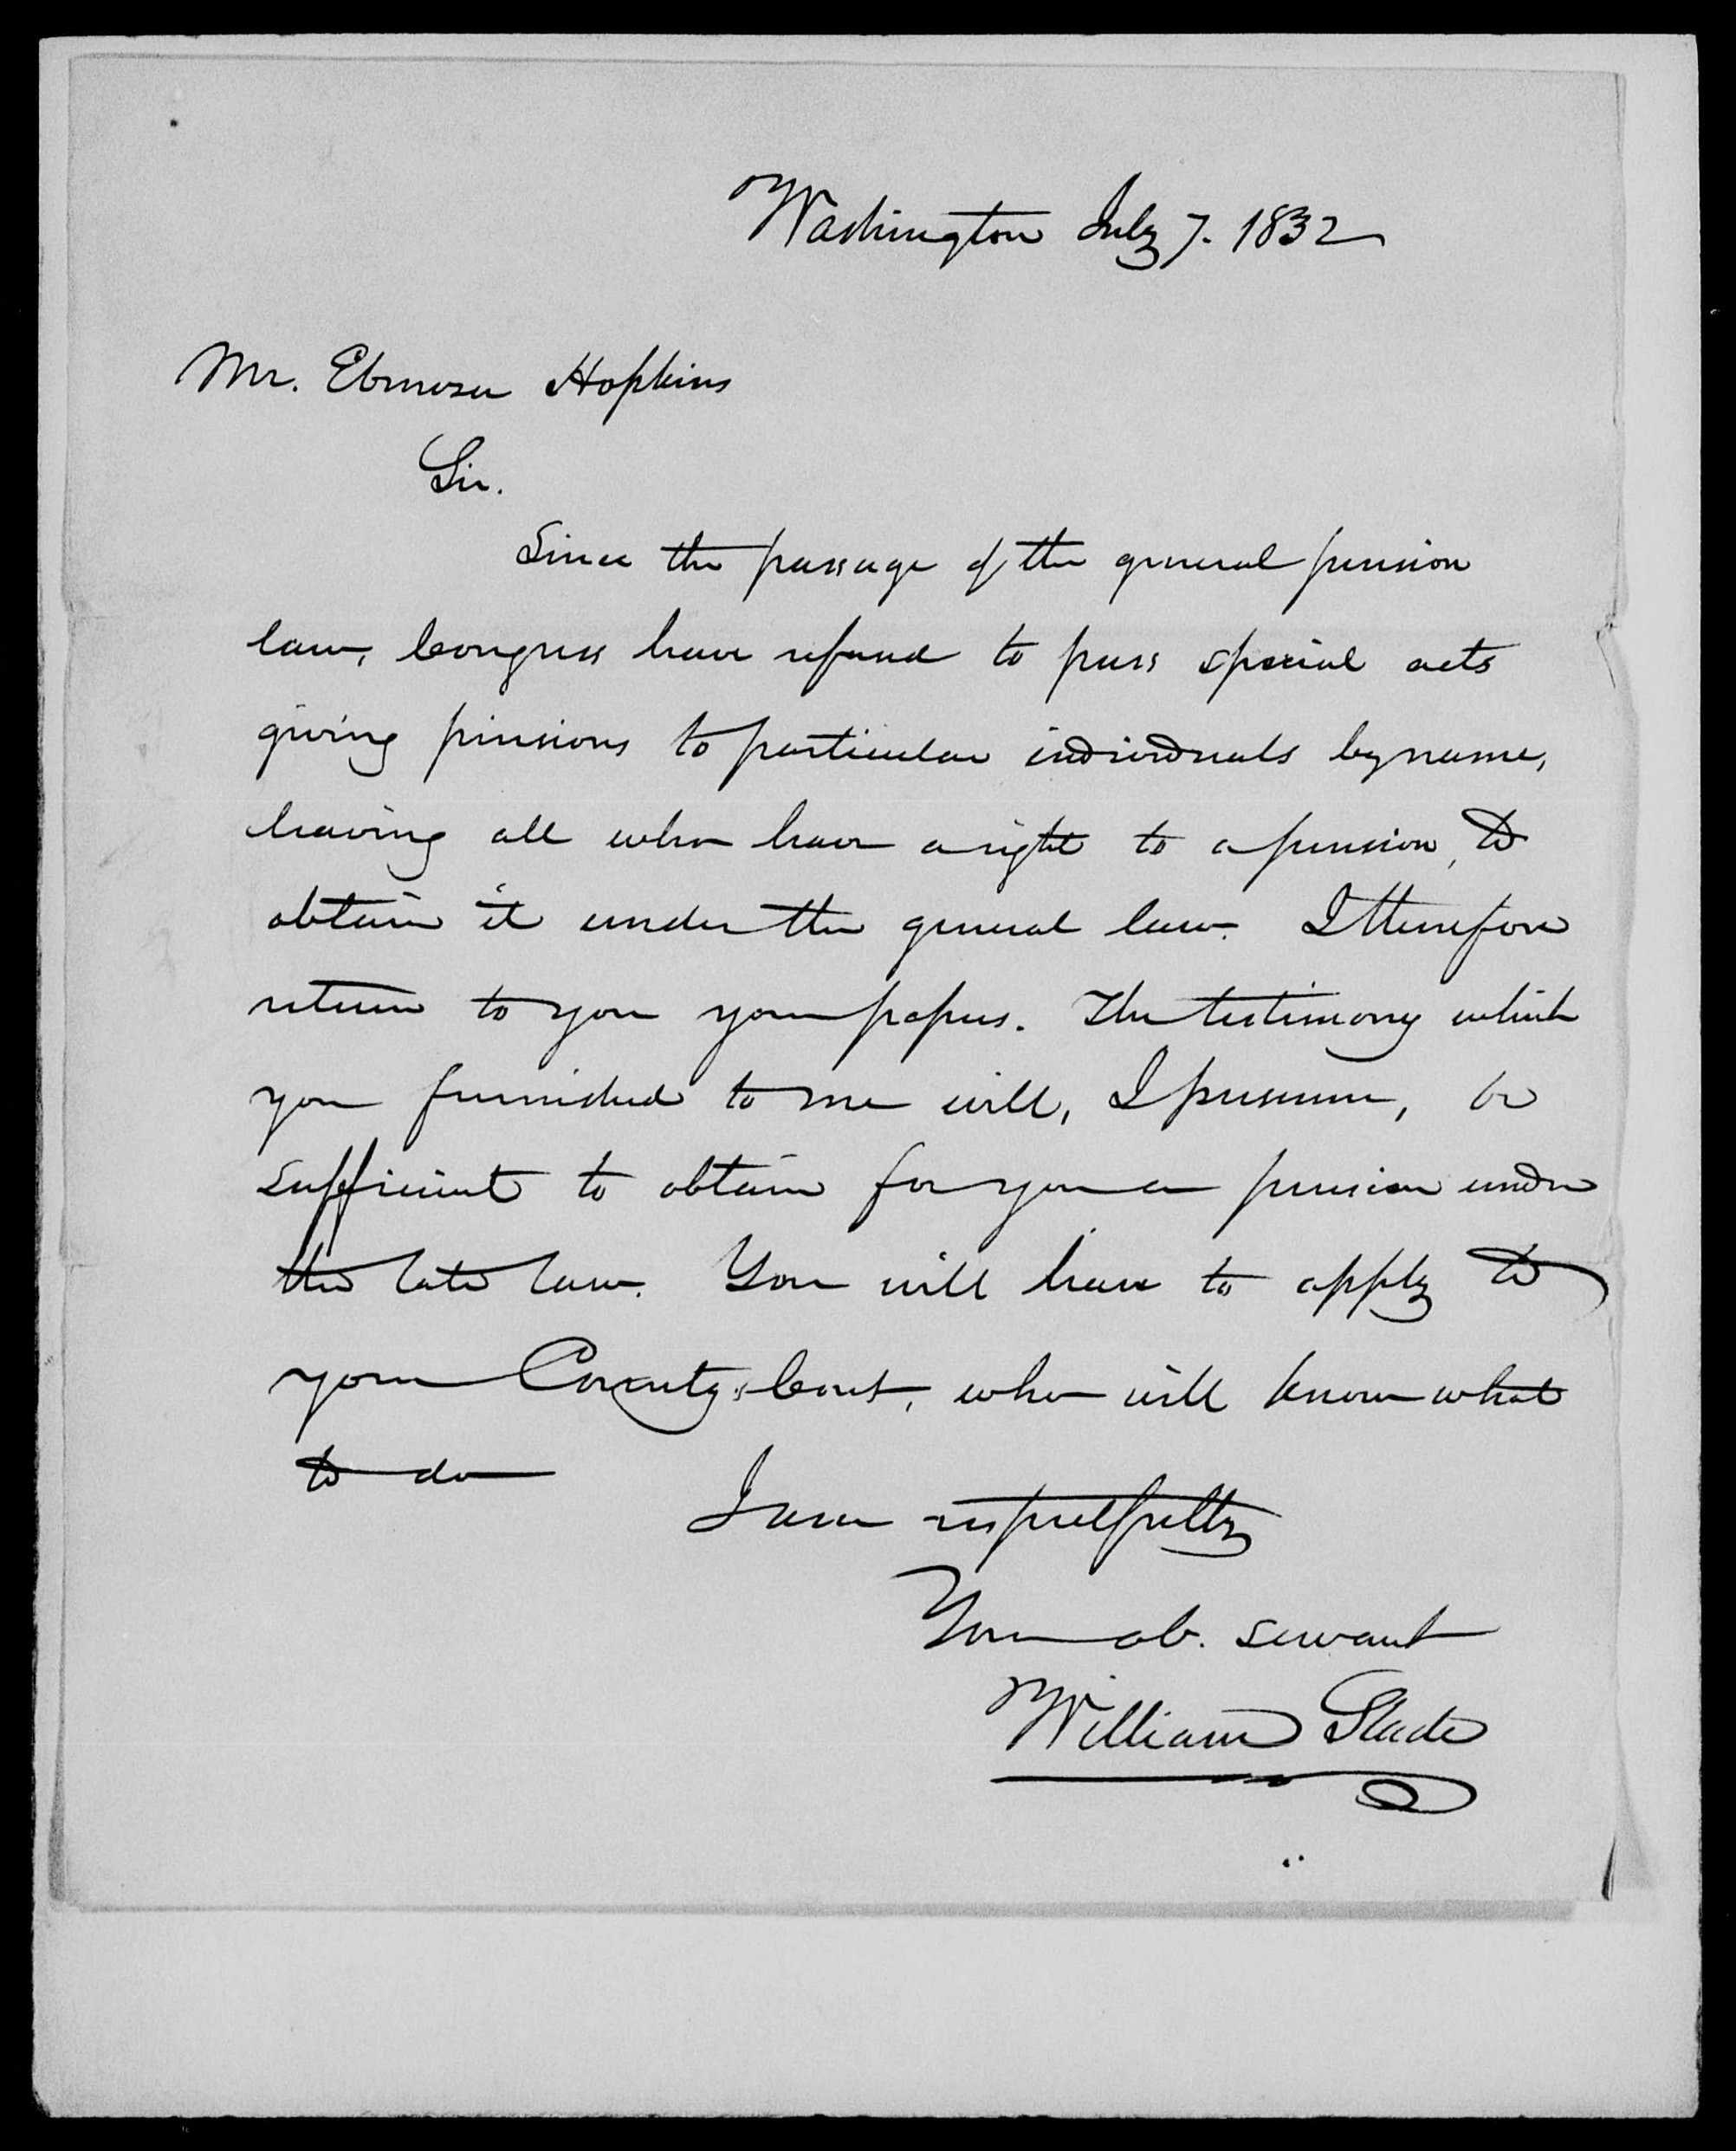Washington July 7. 1832

Mr. Ebenezer Hopkins

Sir
Since the passage of the general pension law, Congress have refund to purs special acts giving pensions to particular individuals by name, leaving all who have a right to a pension to obtain it under the general law. I therefore return to you your papers. The testimony which you funded to me will I presence, be sufficient to obtain for you a pension under the late law. you will have to apply your County Court, who will know what to do.
Yours respectfully
Your obt Servant
William Slade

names: Ebenezer Hopkins, William Slade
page: 97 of 144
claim: rejected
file: R. 5208, Dennis Hopkins, N.C.